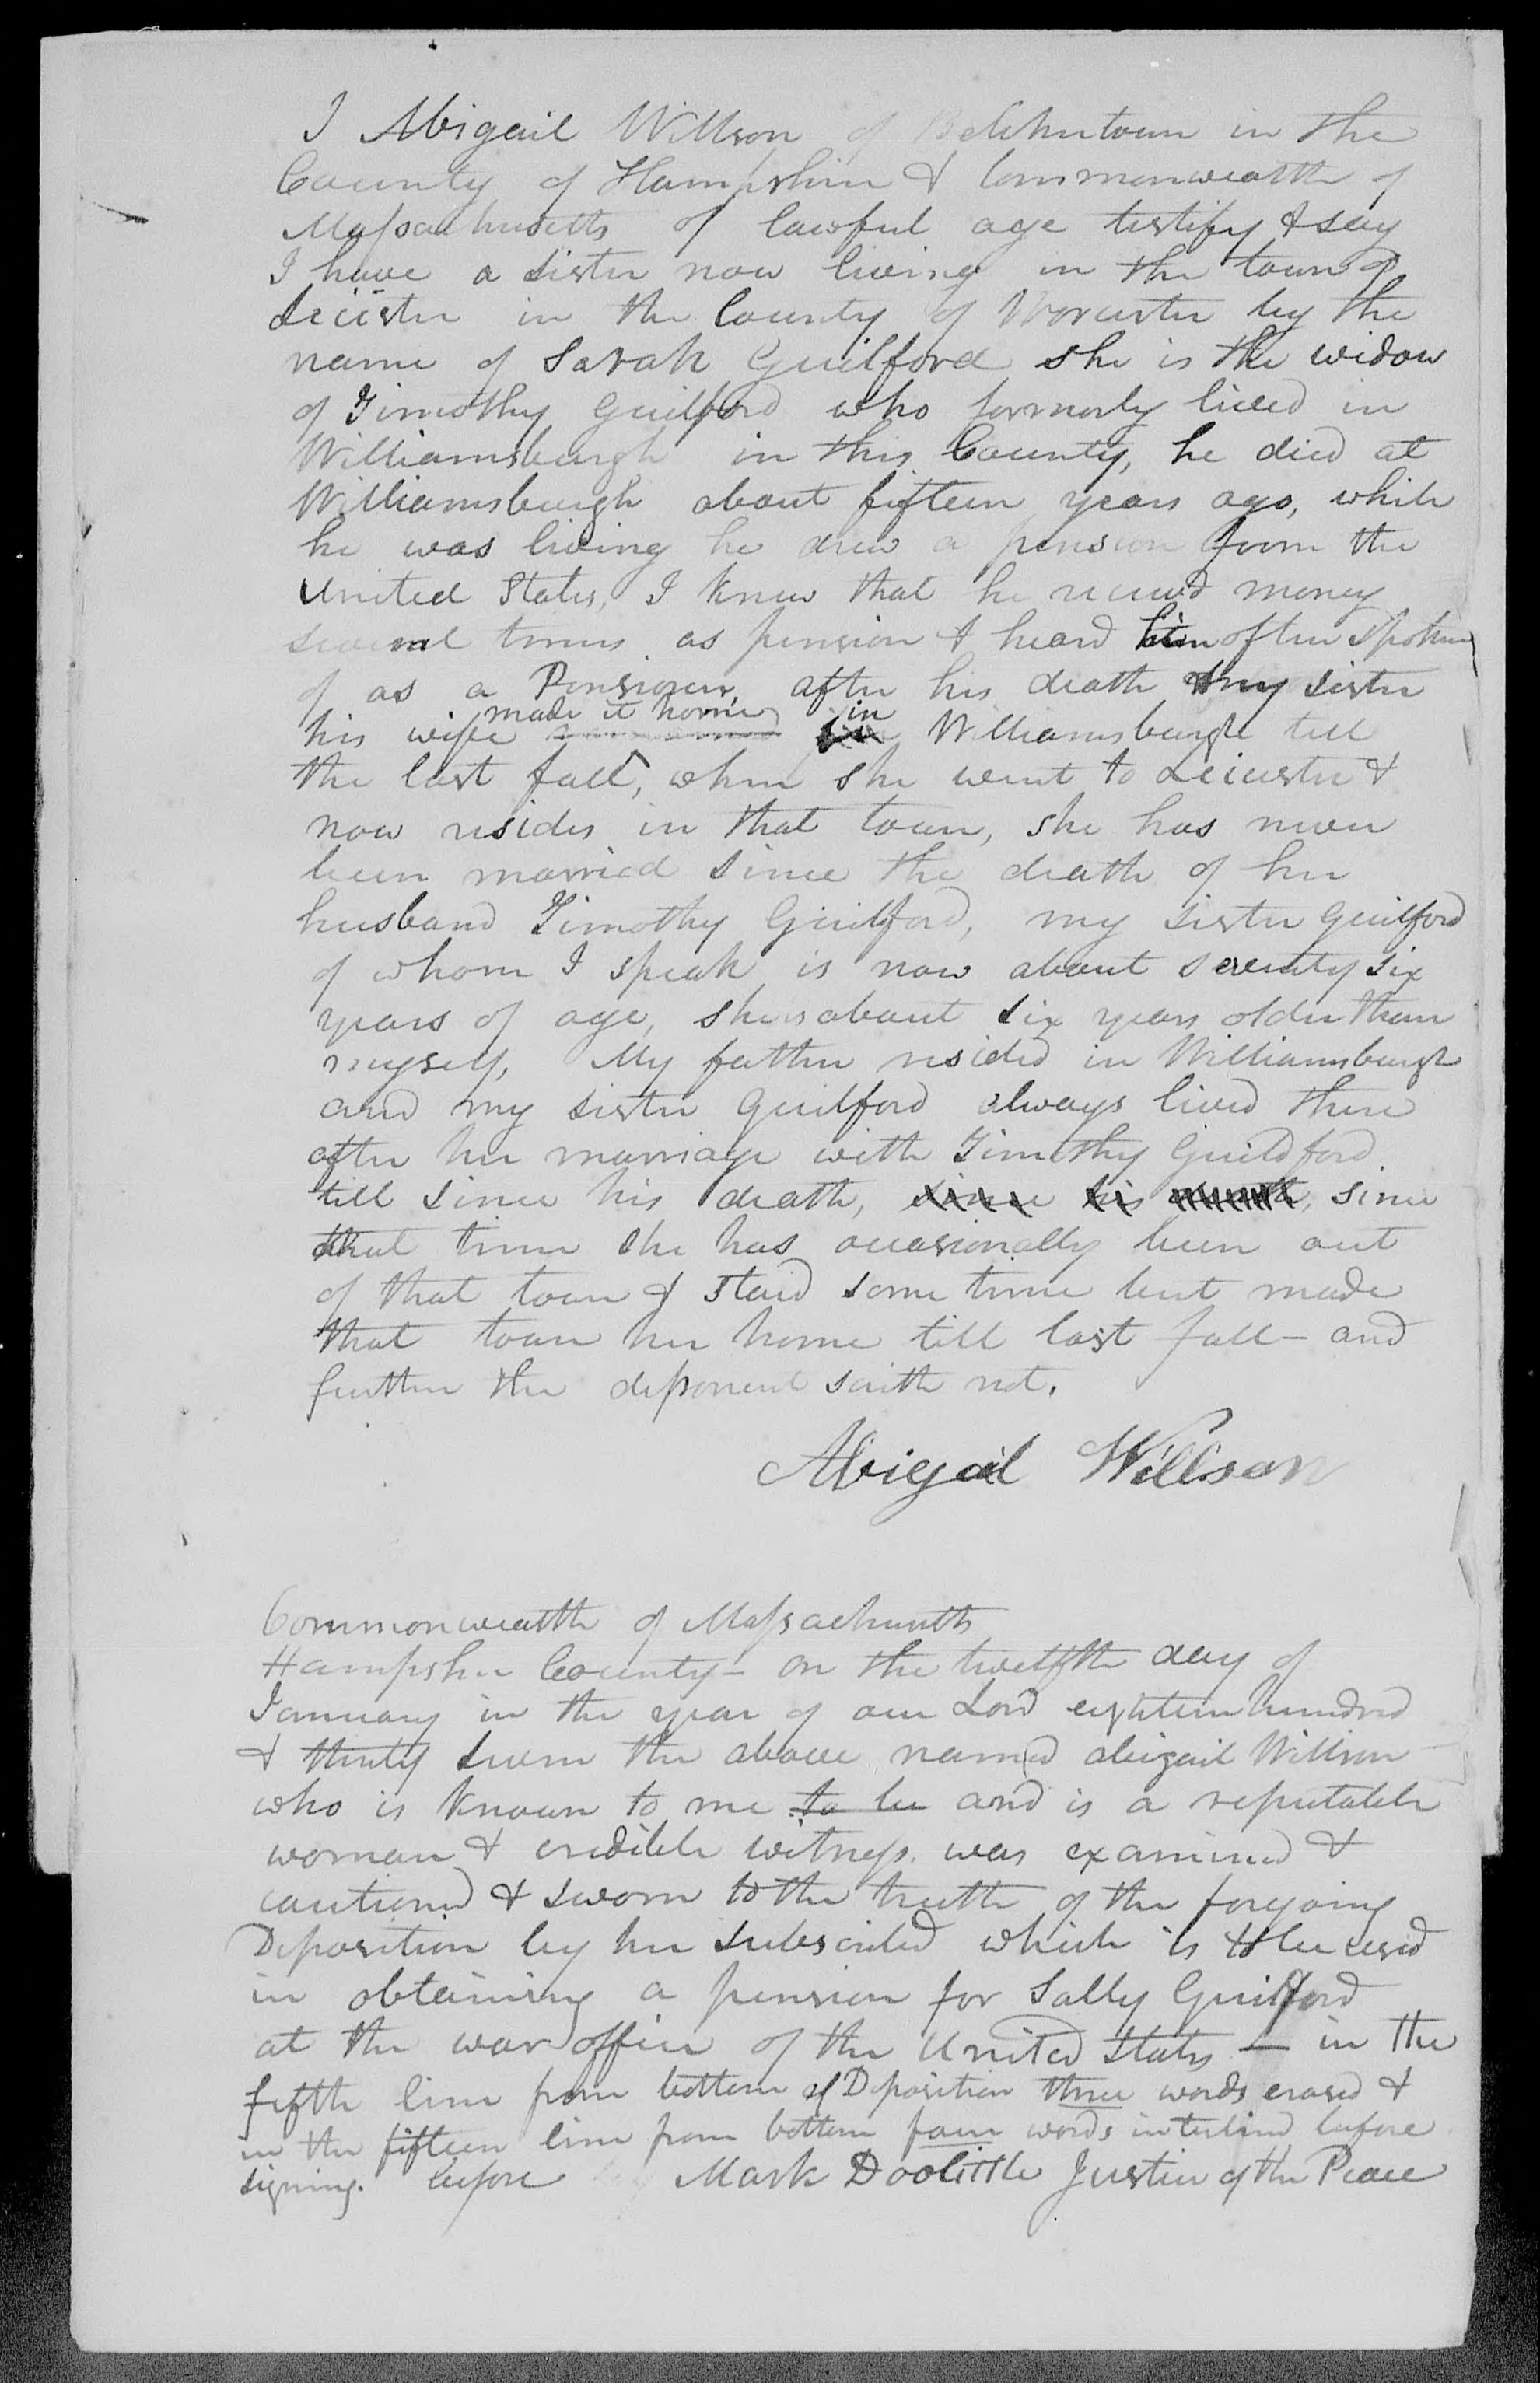I Abigail Willson of Belchertown in the County of Hampshire and Commonwealth of Massachusetts of lawful age testify & say I have a sister now living in the town of Lister in the County of Worcester by the name of Sarah Guilford she is the widow of Timothy Guilford who formerly lived in Williamsburgh in this County, he died at Williamsburgh about fifteen years ago, while he was living he drew a pension from the United States. I knew that he received money several times as pension & heard him often spoken of as a Pensioner. After his death my sister, his wife made it home in Williamsburgh till the last fall, when she went to Lister & now resides in that town. she has never been married since the death of his husband Timothy Guilford, my sister Guilford of whom I speak is now about seventy six years of age, she is about six years older than myself. My father resided in Williamsburgh and my sister Guilford always lived there after his marriage with Timothy Guilford. till since his death 

(crossed out)

since that time she has occasionally been out of that town & staid some time but made that town her home till last fall - and further the deponent saith not.

Abigail Willson

Commonwealth of Massachusetts
Hampshire County - on the twelfth day of January in the year of our lord eighteen hundred & thirty Sworn the above named Abigail Willson who is known to me to be and is a reputable woman & credible witness was examined & caution & sworn to the truth of the foregoing Disposition by her subscriber which is to be used in obtaining a pension for Sally Guilford at the war office of the United States - in the fifth line from letter of Disposition three (underlined) words erased & in the fifteen line from bottom four (underlined) words interview before signing.
before
Mark Doolittle 
Justice of the Peace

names: Timothy Guilford, Abigail Willson, Timothy Guilford, Sarah Guilford, Sally Guilford, Abigail Willson, Guilford, Timothy Guilford, Mark Doolittle, Guilford, Abigail Willson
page: 10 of 26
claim: widow's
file: W. 21,238, Timothy Guilford, Mass.